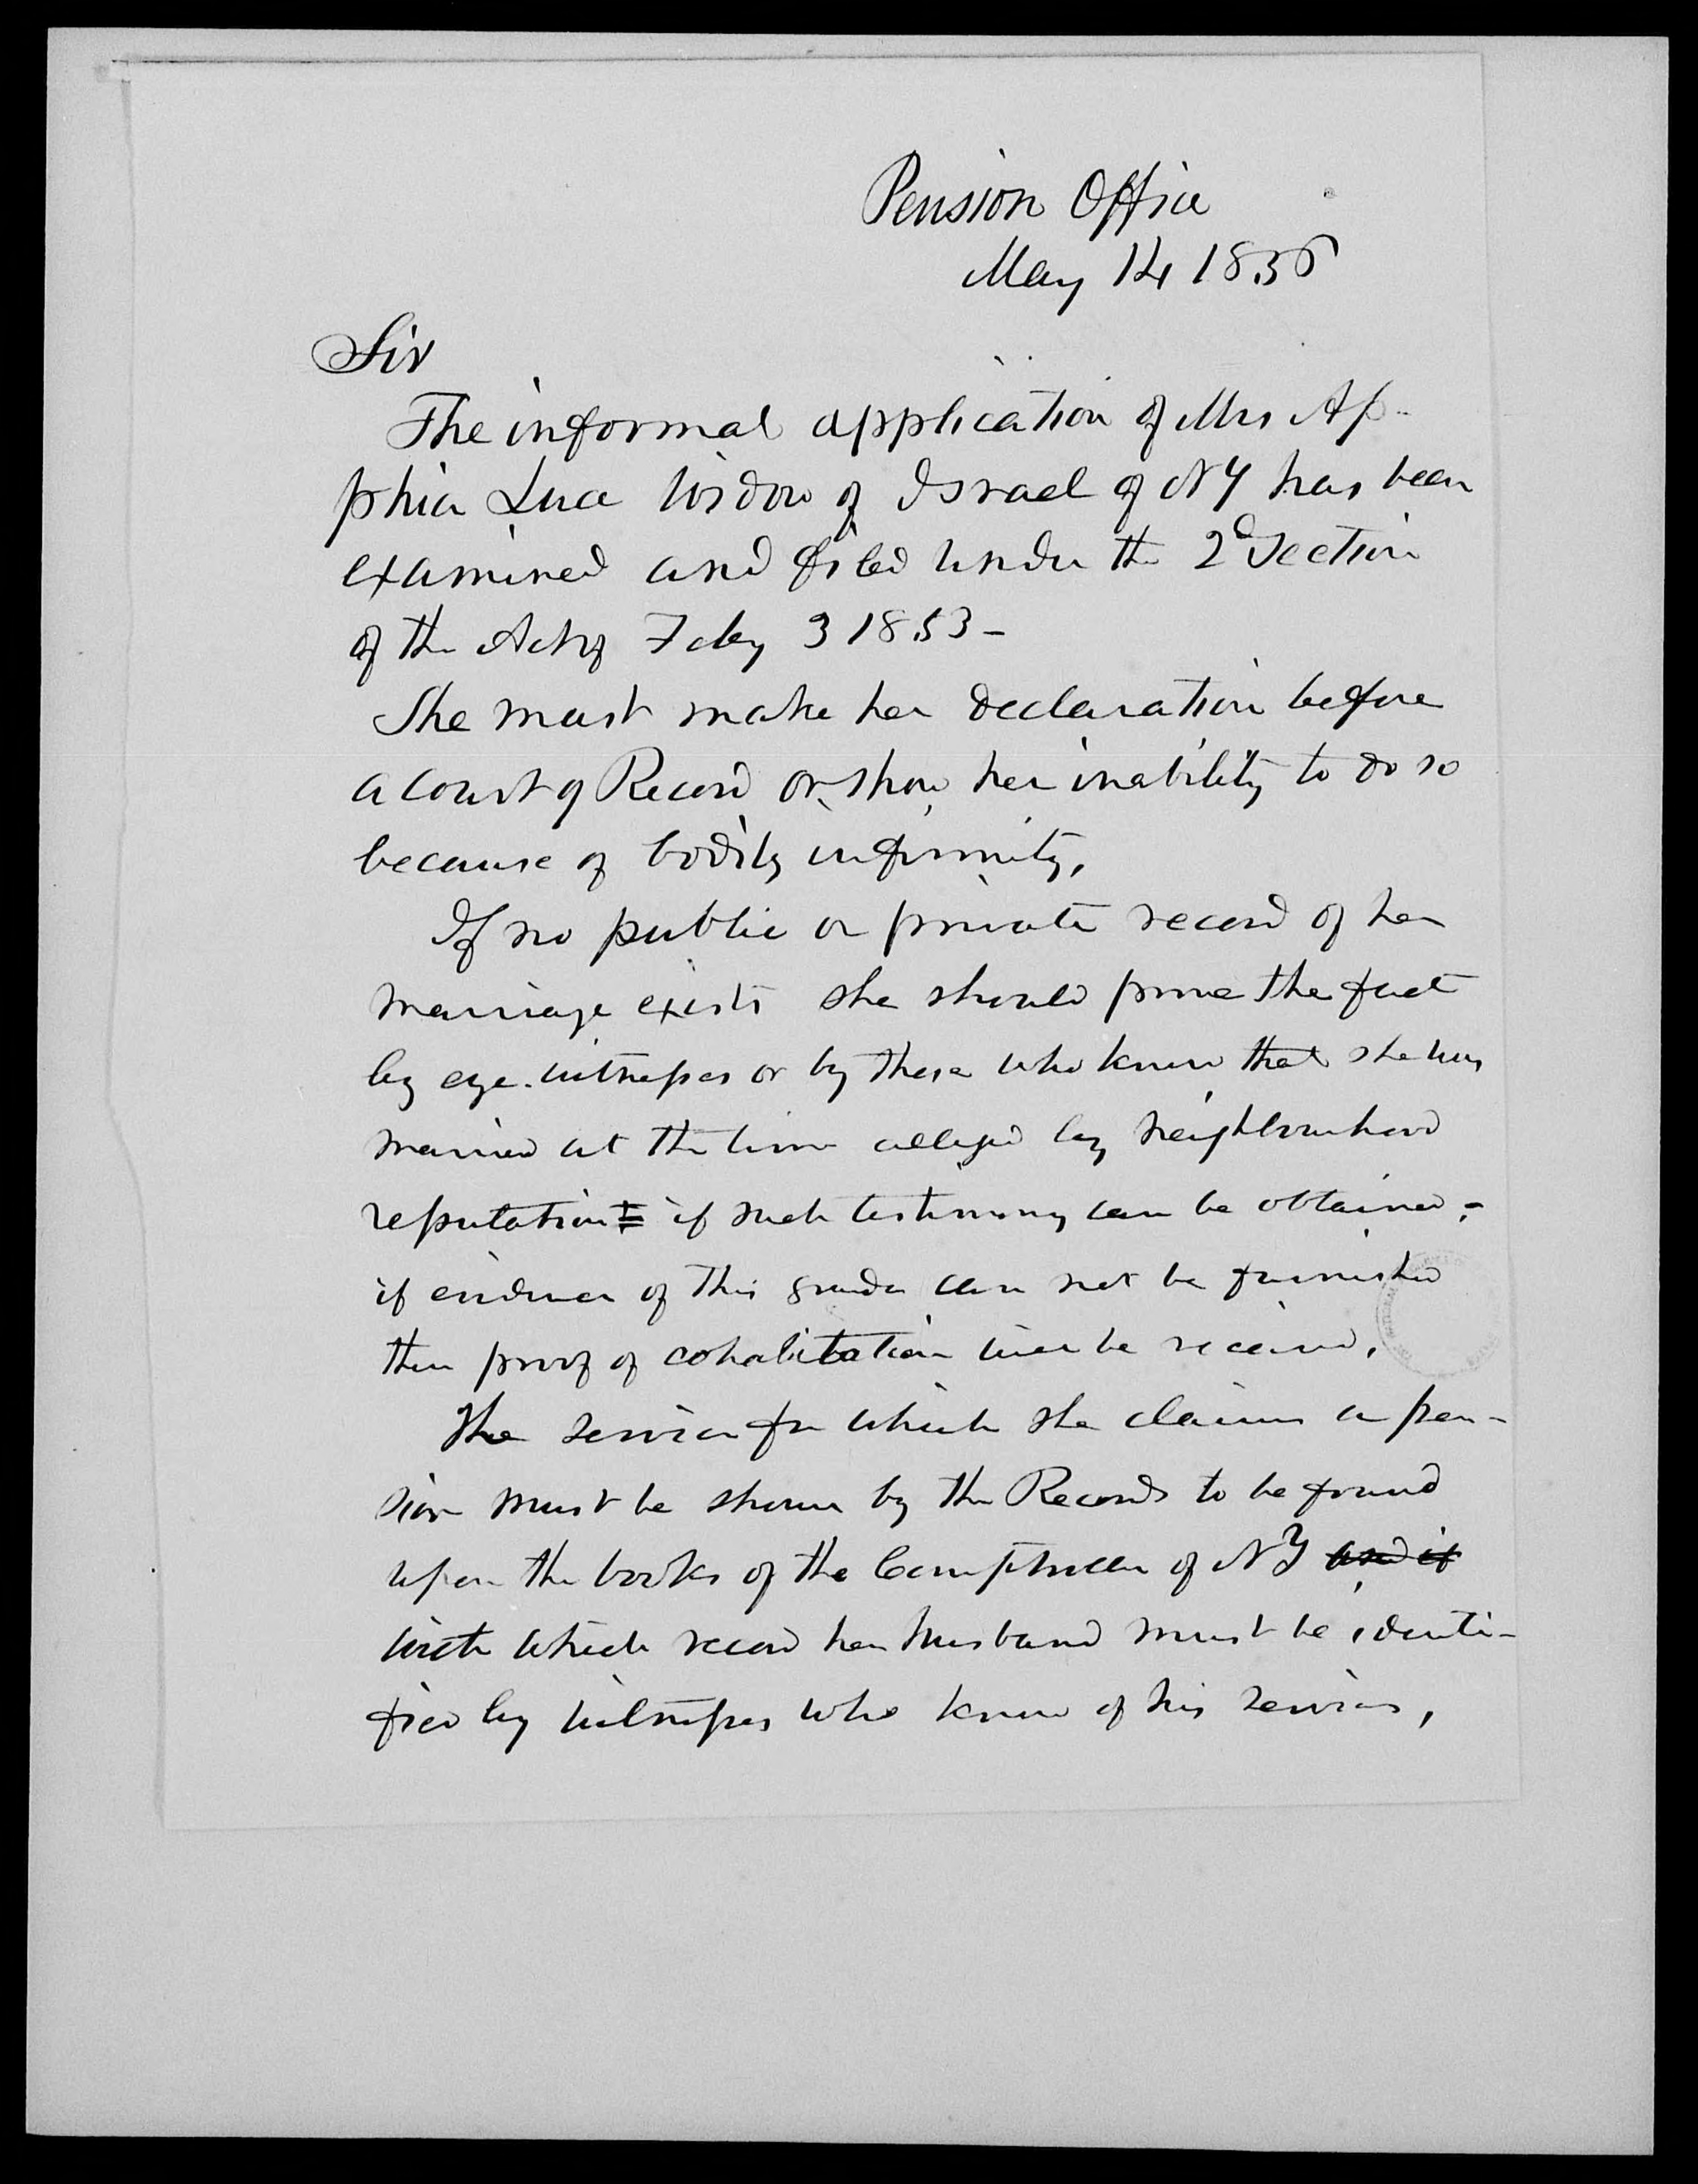Pension Office
May 14 1856

Sir
The informal application of Mrs Apphia Luce widow of Israel of NY has been examined and filed under the 2 Section of the Act of Feby 3 1853

She must make her Declaration before a Court of Record or show her inability to do so because of bodily infirmity.

If no public or private record of her marriage exist she should prove the fact by eye witnesses or by those who know that she was married at the time alleged by neighborhood reputation if such testimony can be obtained.  if evidence of this grade can not be furnished then proof of cohabitation must be received.

The service for which she claims a pension must be shown by the Records to be found upon the books of the Comptroller of NY, with which record her husband must identified by witnesses who knew of his services,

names: Israel [BLANK]; Apphia Luce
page: 23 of 70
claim: rejected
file: R. 6510, for Israel Luce, New York